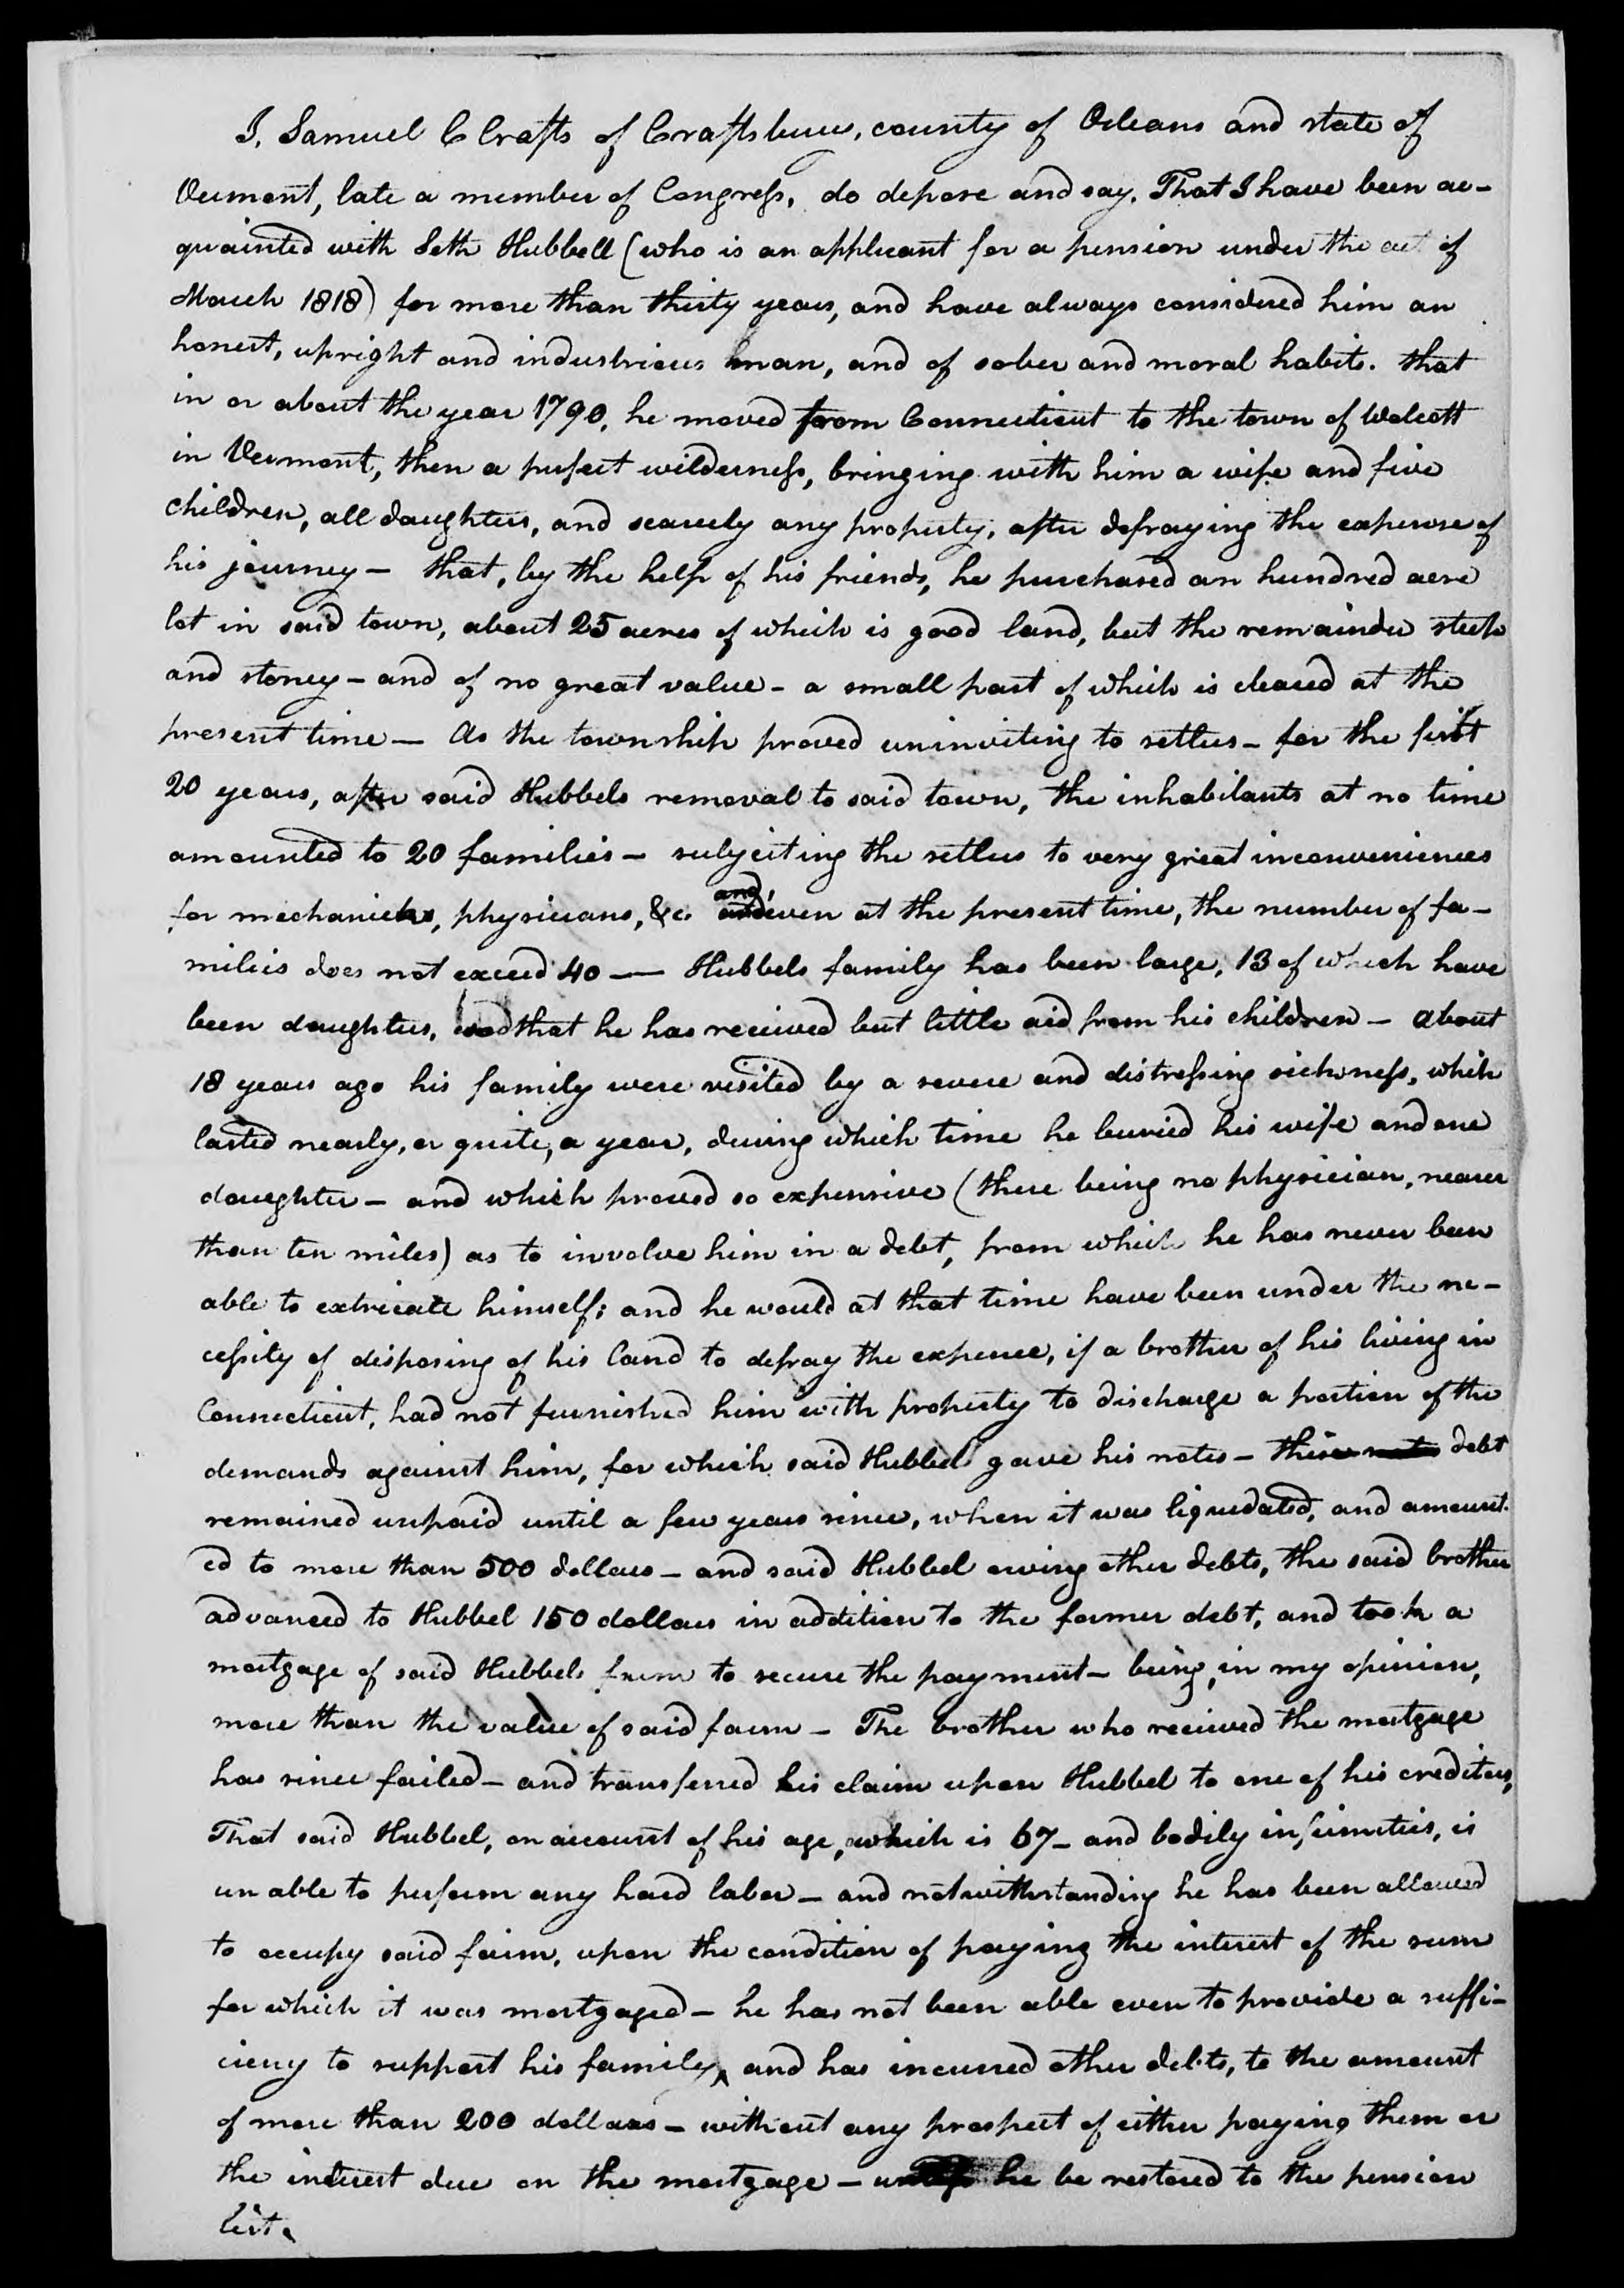I, Samuel C Crafts of Craftsbury, county of Orleans and state of Vermont, late a member of Congress, do depose and say That I have been acquainted with Seth Hubbell (who is an applicant for a pension under the act of March 1818) for more than thirty years, and have always considered him an honest, upright and industrious man, and of sober and moral habits. That in or about the year 1790, he moved from Connecticut to the town of Wolcott in Vermont, then a perfect wilderness, bringing with him a wife and five children, all daughters, and scarcely any property, after defraying the expense of his journey - that, by the help of his friends, he purchased an hundred acre lot in said town, about 25 acres of which is good land, but the remainder steep and stoney - and of no great value - a small part of which is cleared at the present time - As the township proved uninviting to settlers - for the first 20 years, after said Hubbels removal to said town, the inhabitants at no time amounted to 20 families subjecting the settlers to very great inconveniences for mechanics, physicians, et. cetera. and, even at the present time, the number of families does not exceed 40 - Hubbels family and been large, 13 of which have been daughters, that he has received but little aid from his children - about 18 years ago his family were visited by a severe and distressing sickness which lasted nearly, or quite, a year, during which time he buried his wife and one daughter - and which proved so expensive (there being no physician, nearer than ten miles) as to involve him in a debt, from which has has never been able to extricate himself; and he would at that time have been under the necessity of disposing of his land to defray the expense, if a brother of his living in Connecticut, had not furnished him with property to discharge a fraction of the demands against him, for which said Hubbell gave his notes - this debt remained unpaid until a few years since, when it was liquidated, and amounted to more than 500 dollars - and said Hubbel [Hubbell] owing other debts, the said brother advanced to Hubbel 150 dollars in addition to the former debt, and took a mortgage of said Hubbels farm to secure the payment - being, in my opinion, more than the value of said farm - The brother who received the mortgage has since failed - and transferred his claim upon Hubbel to one of his creditors. That said, Hubbel, on account of his age, which is 67 - and bodily infirmities, in unable to perform any hard labor - and notwithstanding he has been allowed to occupy said farm, upon condition of paying the interest of the sum for which it was mortgaged - he has not been able even to provide a sufficiency to support his family, and has incurred other debts, to the amount of more than 200 dollars - without any prospect of either paying them or the interest due on the mortgage - until he be restored to the pension list.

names: Seth Hubbell, Samuel C Crafts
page: 109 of 114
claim: widow's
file: W. 2115, Seth Hubbell, Conn.